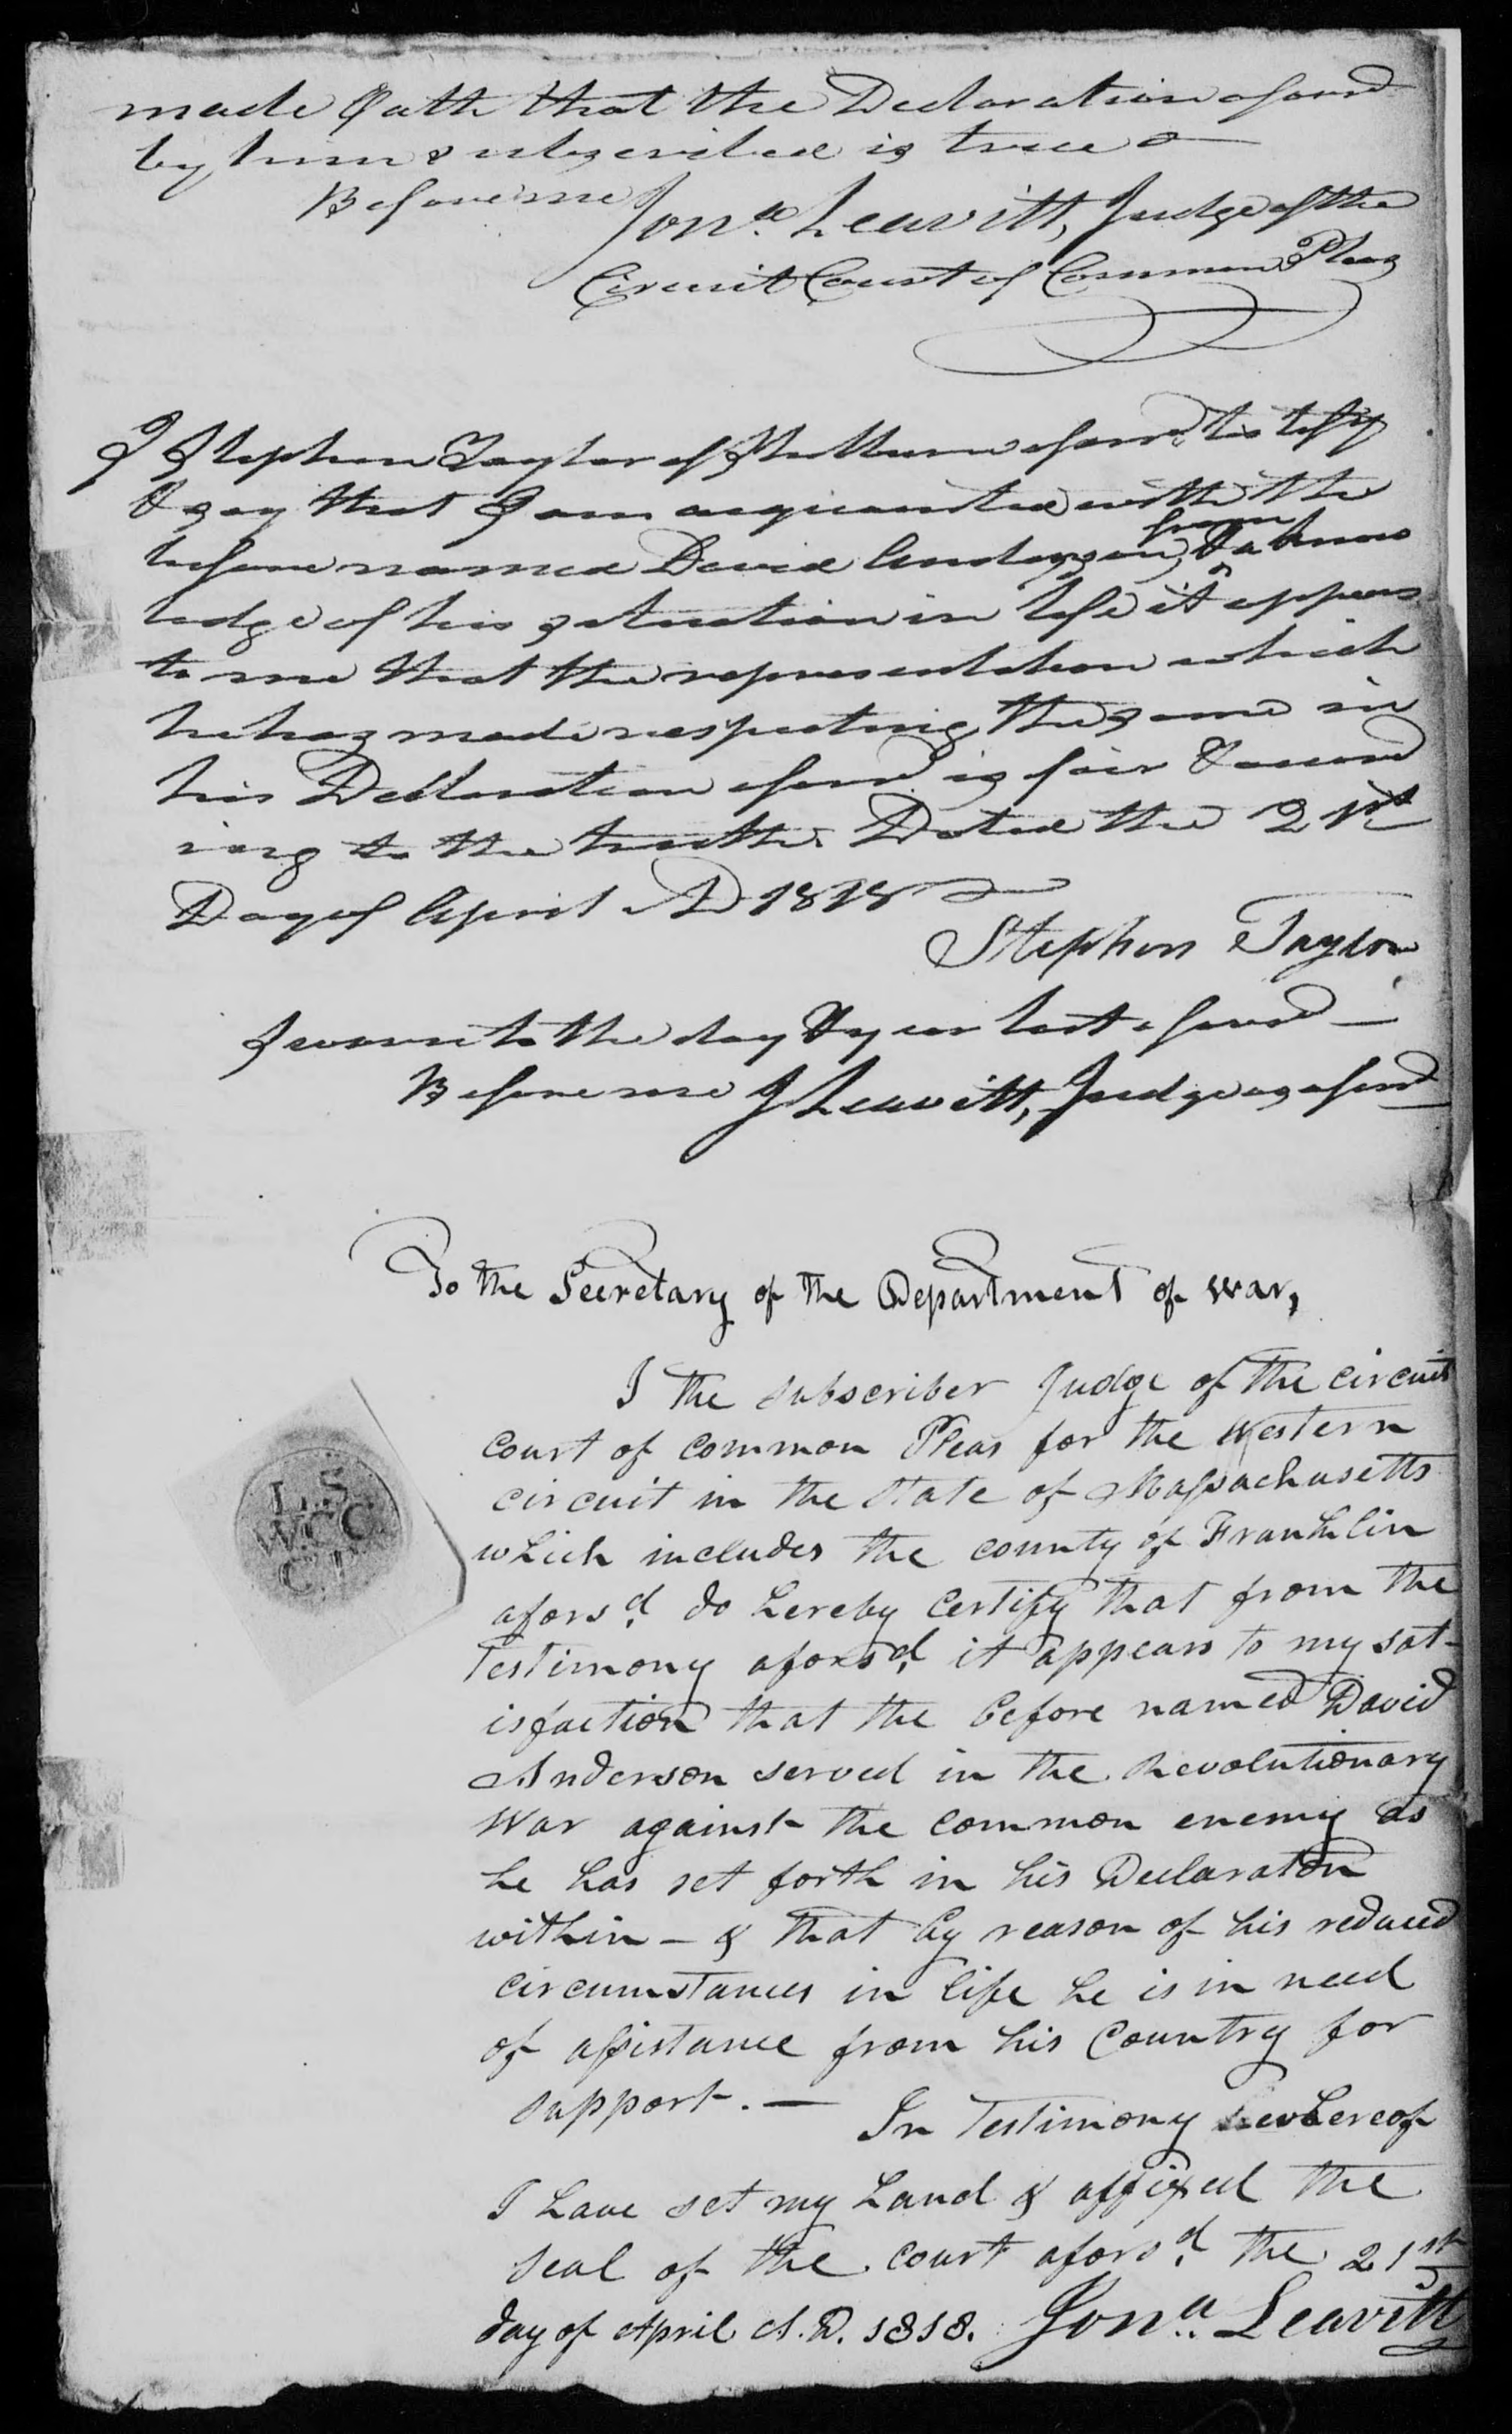made Oath that the Declaration of and by
him & subscribed is true
Before me Jona Leavitt Judge of the
Circuit Court of Common Pleas

I Stephen Taylor of Shelbourne aforsd to testify
& say that I am acquainted with the
before named David Anderson, and have knowledge of his situation in life it appears
to me that the representation which
he has made respecting the same in
his Declaration aforsd is fair & according
to the truth Dated the 21st
Day of April AD 1818
Stephen Taylor
Sworn to the day & year last aforsd -
Before me J Leavitt Judge [illegible] aforsd

[round seal reading "LS WCC CI"]
To the Secretary of the Department of War,
I the subscriber Judge of the circuit
Court of Common Pleas for the Western
circuit in the State of Massachusetts
which includes the County of Franklin
aforsd do hereby certify that from the
Testimony aforsd, it appears to my satisfaction that the before named David
Anderson served in the Revolutionary War
against the common enemy as
he has set forth in his Declaraton
within - & that by reason of his reduced
circumstances in life he is in need
of assistance from his country for
support.-
In Testimony whereof
I have set my hand & affixed the
Seal of the Court aforesd the 21st
day of April A.D. 18188. Jona Leavitt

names: Stephen Taylor, David Anderson, Jona Leavitt, Jona Leavitt, David Anderson, J Leavitt, Stephen Taylor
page: 3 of 39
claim: widow's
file: W. 20624, David Anderson, Mass